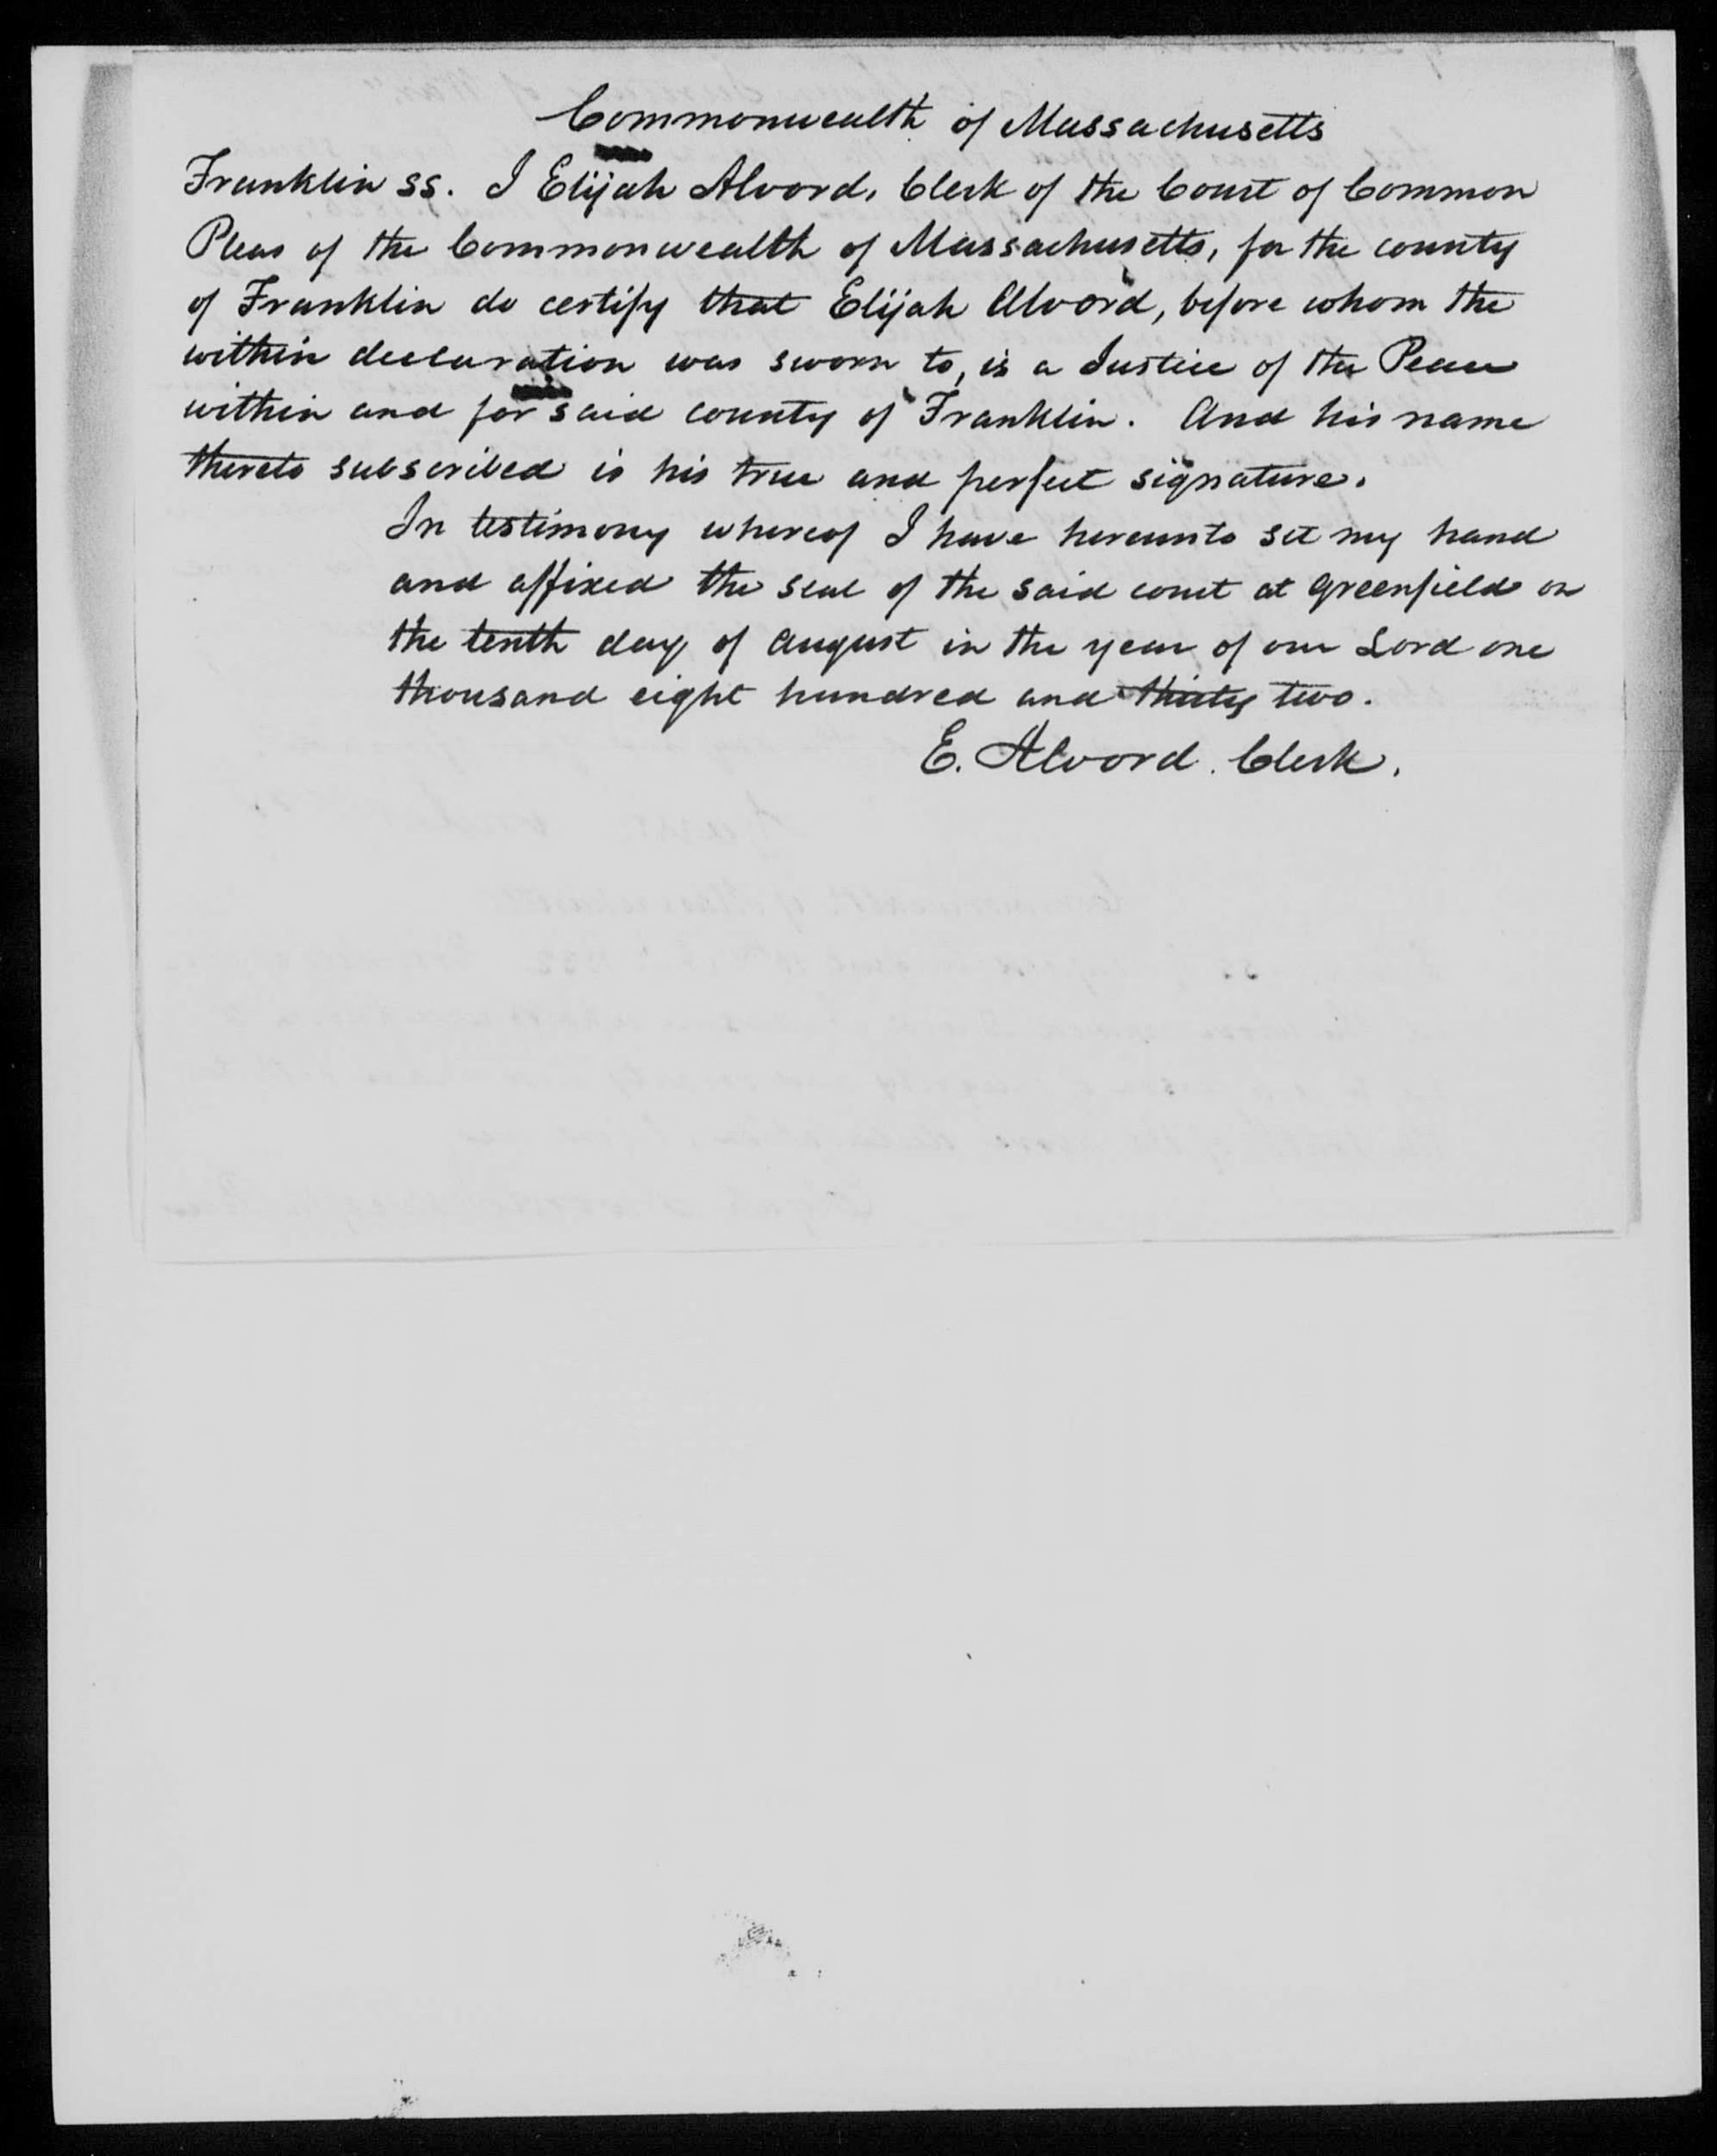Commonwealth of Massachusetts
Franklin SS. I Elijah Alvord, Clerk of the Court of Common
Pleas of the Commonwealth of Massachusetts, for the County
of Franklin do certify that Elijah Alvord, before whom the
within declaration was sworn to, is a Justice of the Peace
within and for said County of Franklin. And his name
thereto subscribed is his true and perfect signature.
In testimony whereof I have hereunto set my hand
and affixed the seal of the said court at Greenfield on
the tenth day of August in the year of our Lord one
thousand eight hundred and thirty two.
E. Alvord, Clerk.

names: E Alvord, Elijah Alvord, Elijah Alvord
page: 10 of 39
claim: widow's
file: W. 20624, David Anderson, Mass